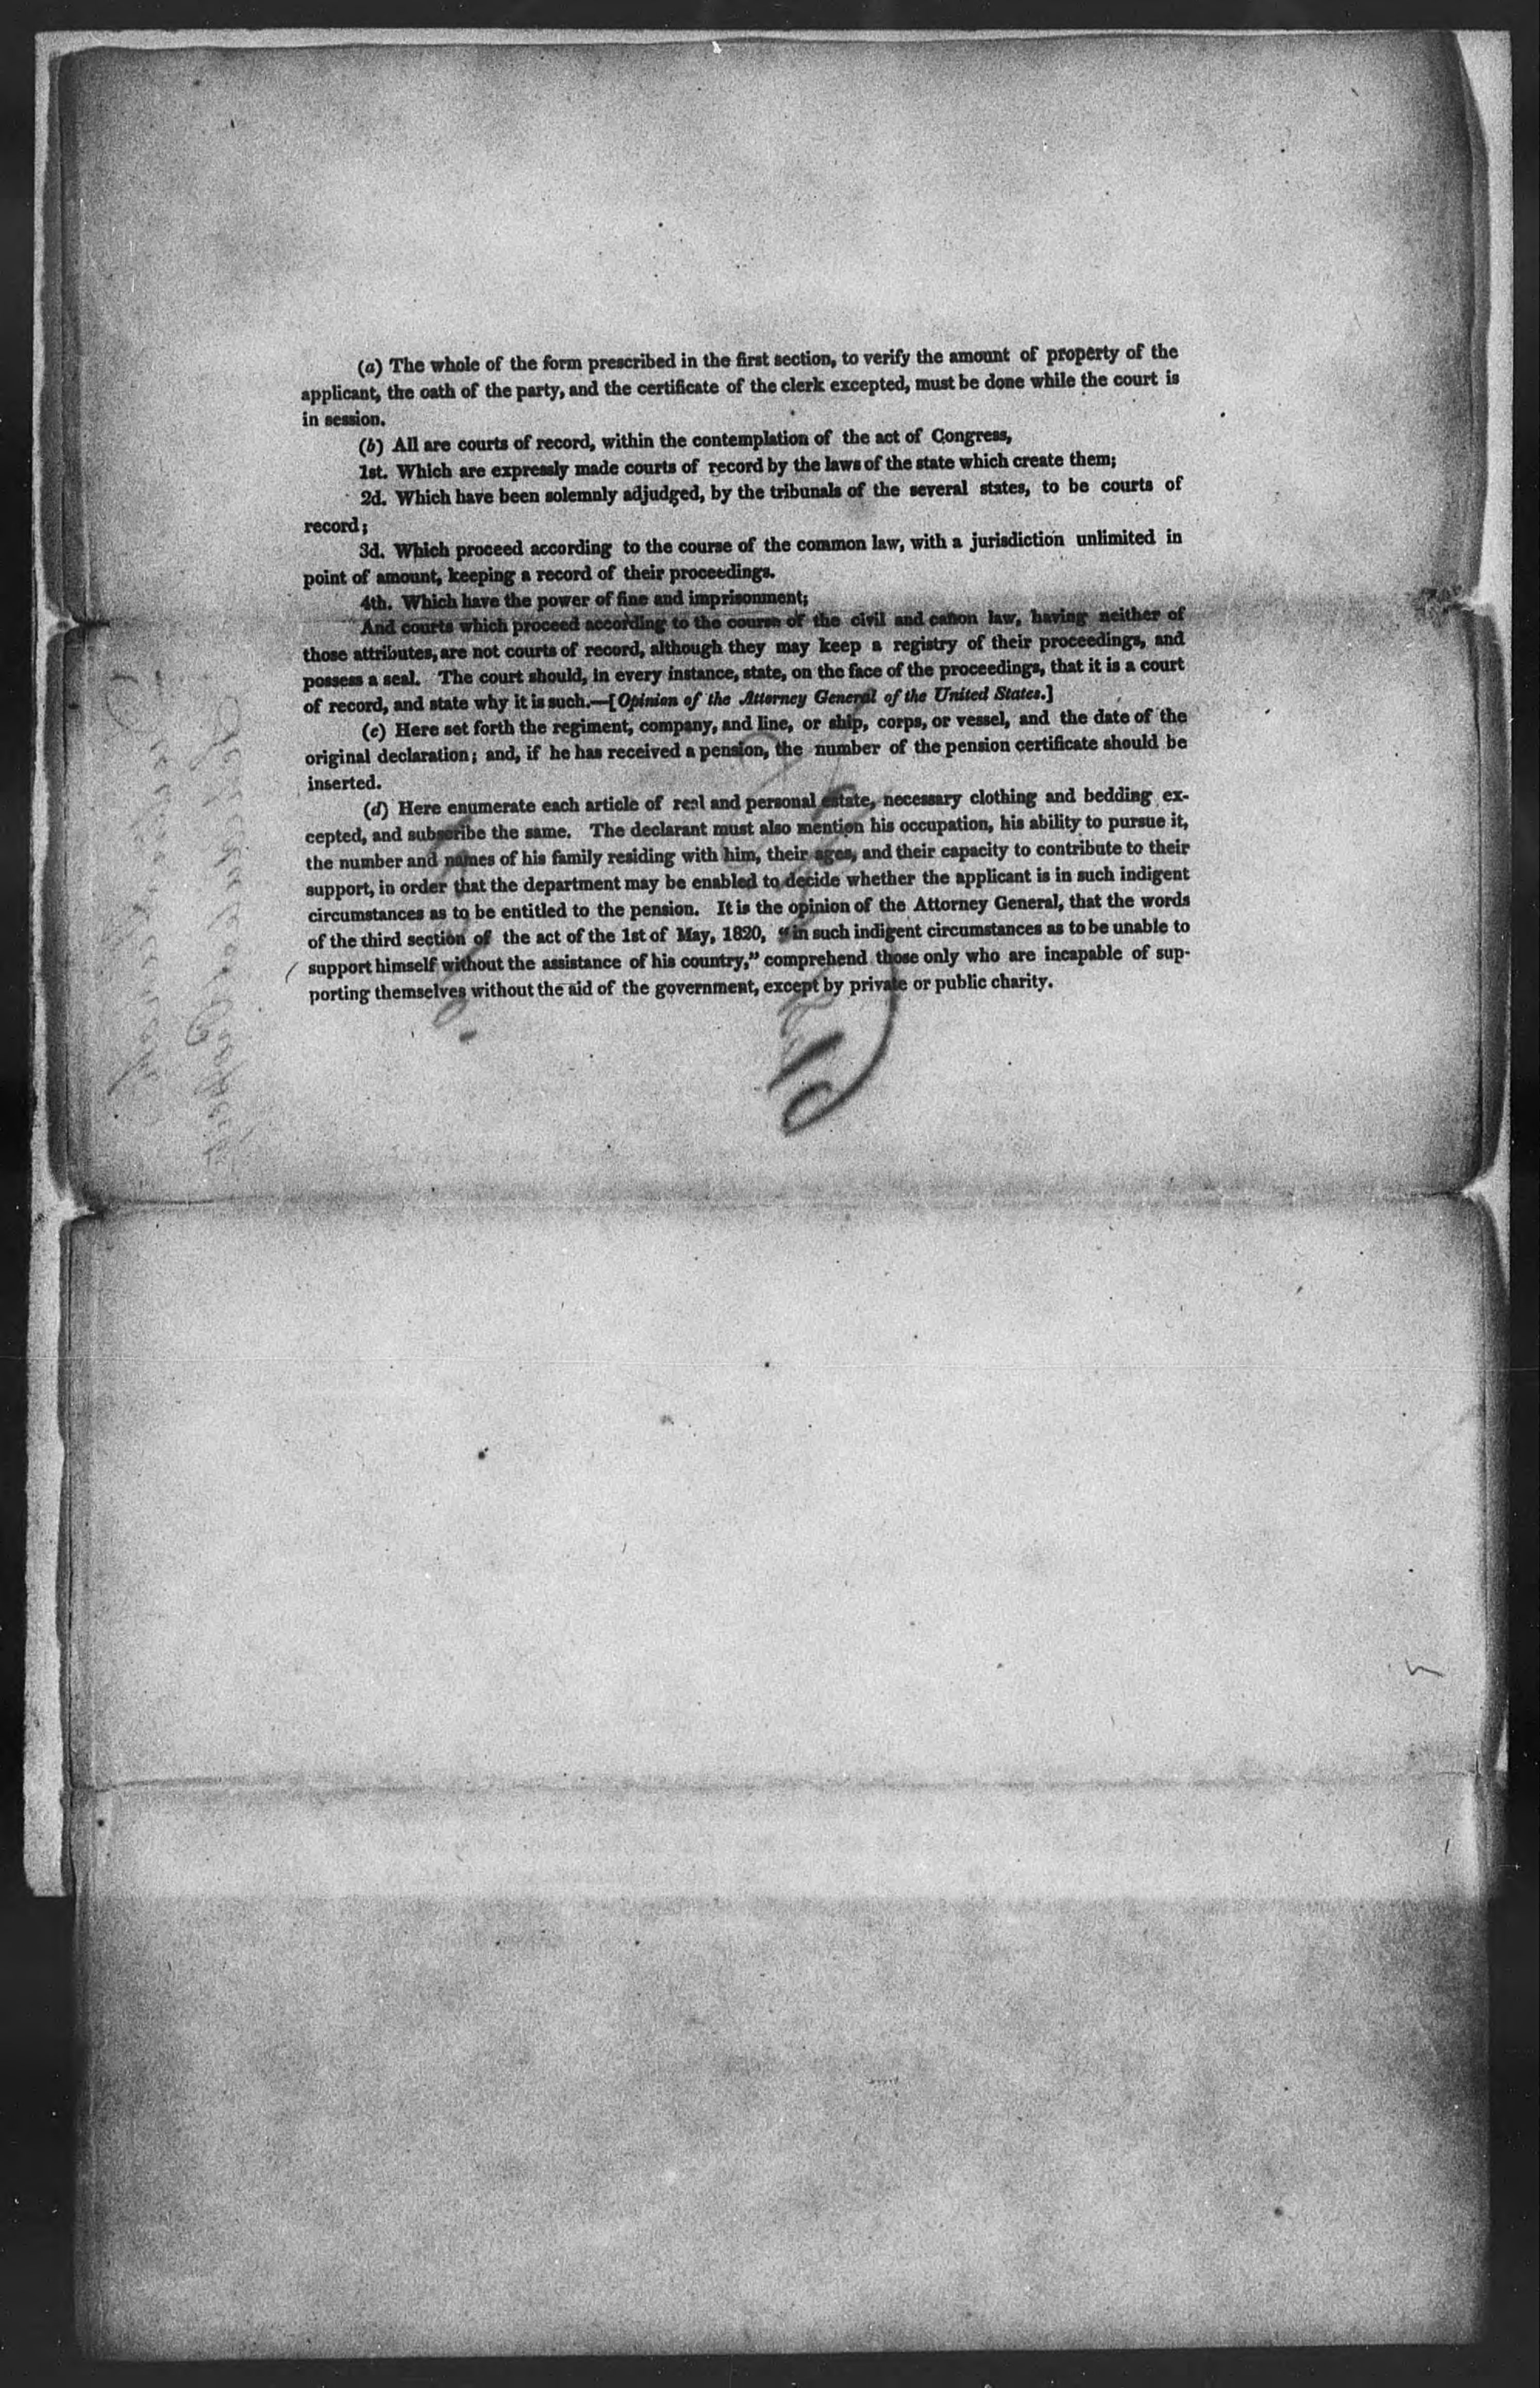(a) The whole of the form prescribed in the first section, to verify the amount of property of the
applicant, the oath of the party, and the certificate of the clerk excepted, must be done while the court is in session.
     (b) All are courts of record, within the contemplation of the act of Congress,
     1st. Which are expressly made courts of record by the laws of the state which create them;
     2d. Which have been solemnly adjudged, by the tribunals of the several states, to be courts of
record;
     3d. Which proceed according to the course of the common law, with a jurisdiction unlimited is
point of amount, keeping a record of their proceedings.
     4th. Which have the power of fine and imprisonment;
     And courts which proceed according to the course of the civil and canon law, having neither of
those attributes, are not courts of record, although they may keep a registry of their proceedings, 
and possess a seal.  The court should, in every instance, state, on the face of the proceedings, that
it is a court of record, and state why it is such.--[ Opinion of the Attorney General of the
United States.]
     (c) Here set forth the regiment, company, and line, or ship, corps, or vessel, and the date of the
original declaration; and, if he has received a pension, the number of the pension certificate
should be inserted.
     (d) Here enumerate each article of real and personal estate, necessary clothing and bedding
excepted, and subscribe the same.  The declarant must also mention his occupation, his ability
to pursue it, the number and names of his family residing with him, their ages and their capacity
to contribute to their support, in order that the department may be enabled to decide whether
the applicant is in such indigent circumstances as to be entitled to the pension.  It is the opinion
of the Attorney General, that the words of the third section of the act of the 1st of May, 1820,
"in such indigent circumstances as to be unable to support himself without the assistance of his 
country", comprehend those only who are incapable of supporting themselves without the aid of the government, except by private or public charity.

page: 7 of 45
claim: widow's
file: W. 4988, Durlin Hickok, Mass.